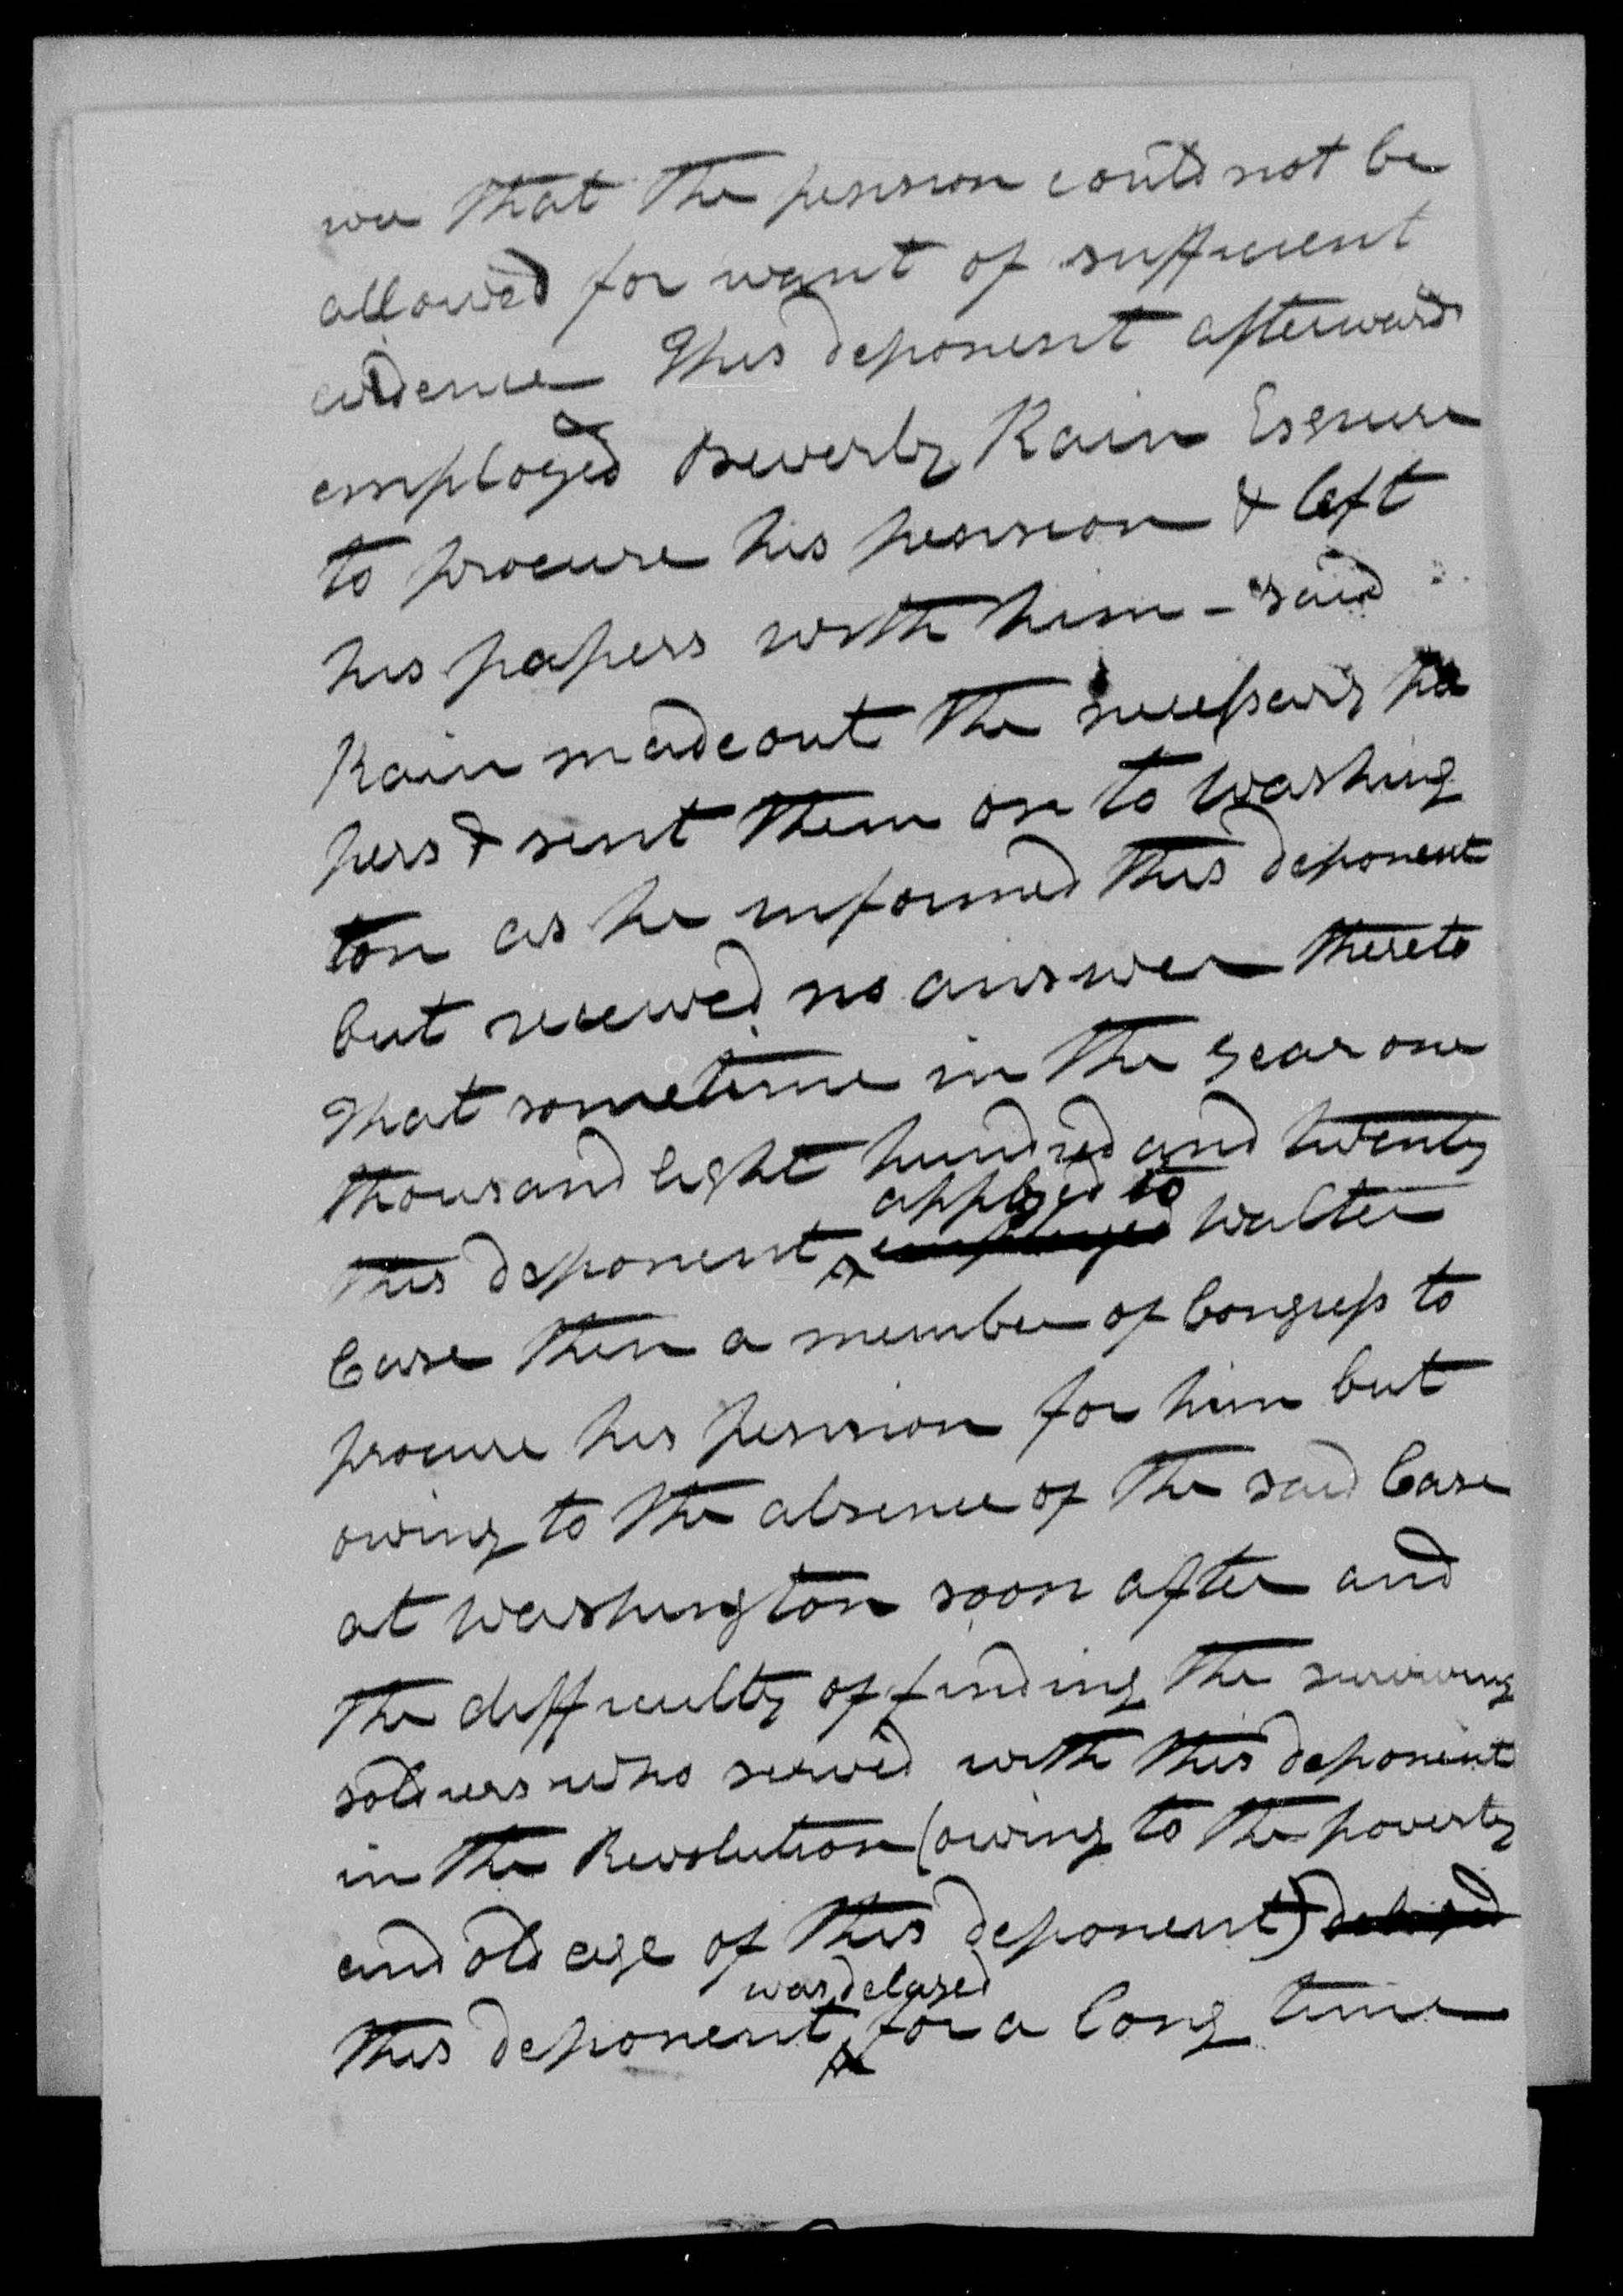(ans)wer that the pension could not be
allowed for want of sufficient
evidence this deponent afterward
employed Beverly Rain Esquire
to procure his pension
& left
his papers with him-- said
Rain made out the necessary
papers & sent them on to washington as he informed this deponent
but received no answer thereto
That sometime in the year one
thousand eight hundred and twenty
deponent Walter
case then a member of Congress to
procure his pension for him but
owing to the absence of the said Case
at Washington soon after and
the difficulty of finding the surviving
soldiers who served with this deponent
in the Revolution (owing to the poverty
and old age of this deponent)
this deponent was [illegible] for a long
time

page: 29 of 64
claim: survivor's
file: S. 42,464, for William Terwilliger, New York